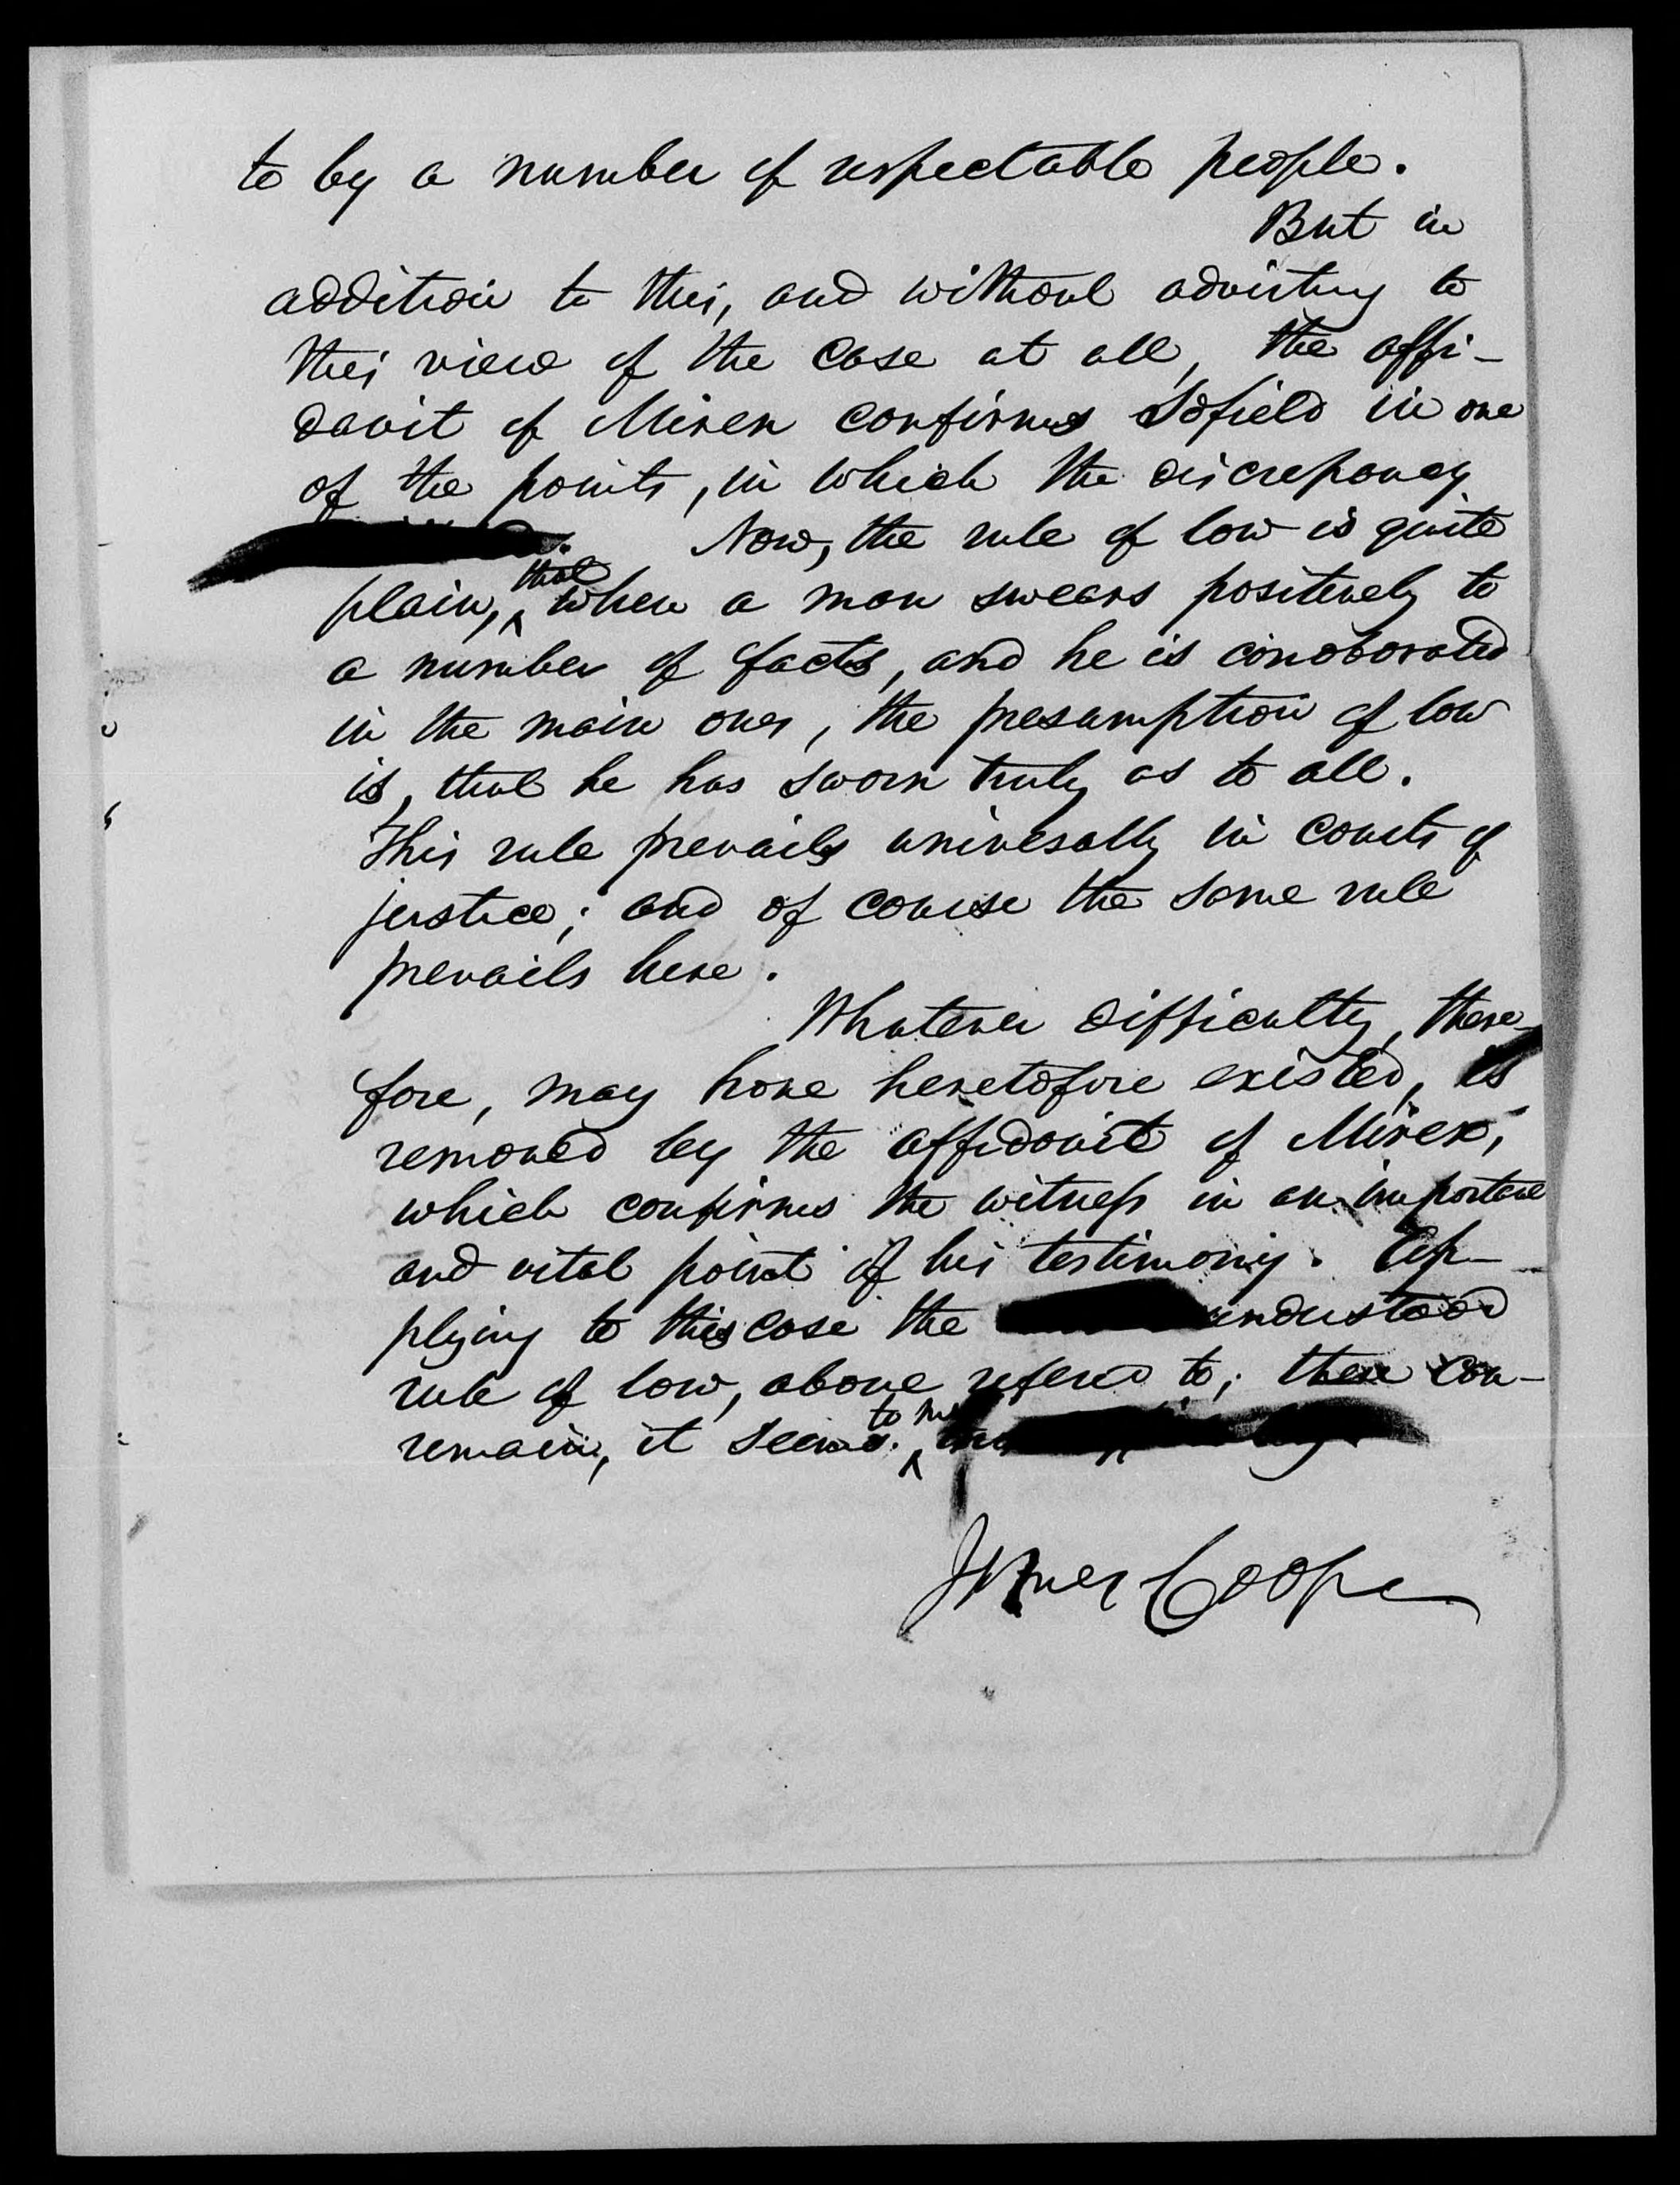...to by a number of respectable people. 

But in addition to this, and without advising to this view of the case at all, the affidavit of Minex confirms Sofield in one of the points in which the discrepancy [crosse out: [illegible])

Now, the rule of law is quite plain that when a man swears positively to a number of facts, and he is corroborated in the main ones, the presumption of law is, that he has sworn truly as to all. This rule prevails universally in Courts of Justice; and of course the same rule prevails here.

Whatever difficulty, therefore, may have heretofore existed, is removed by the affidavit of Minex; which confirms the witness in an important and vital point of his testimony. Applying to this case the [crossed out: (illegible)] understood rule of law, above referred to; there can remain, it seems to [crossed out: (illegible)]. 

s/ James Cooper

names: James Cooper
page: 60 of 95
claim: survivor's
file: S 2889, for Levi Mundy, New Jersey